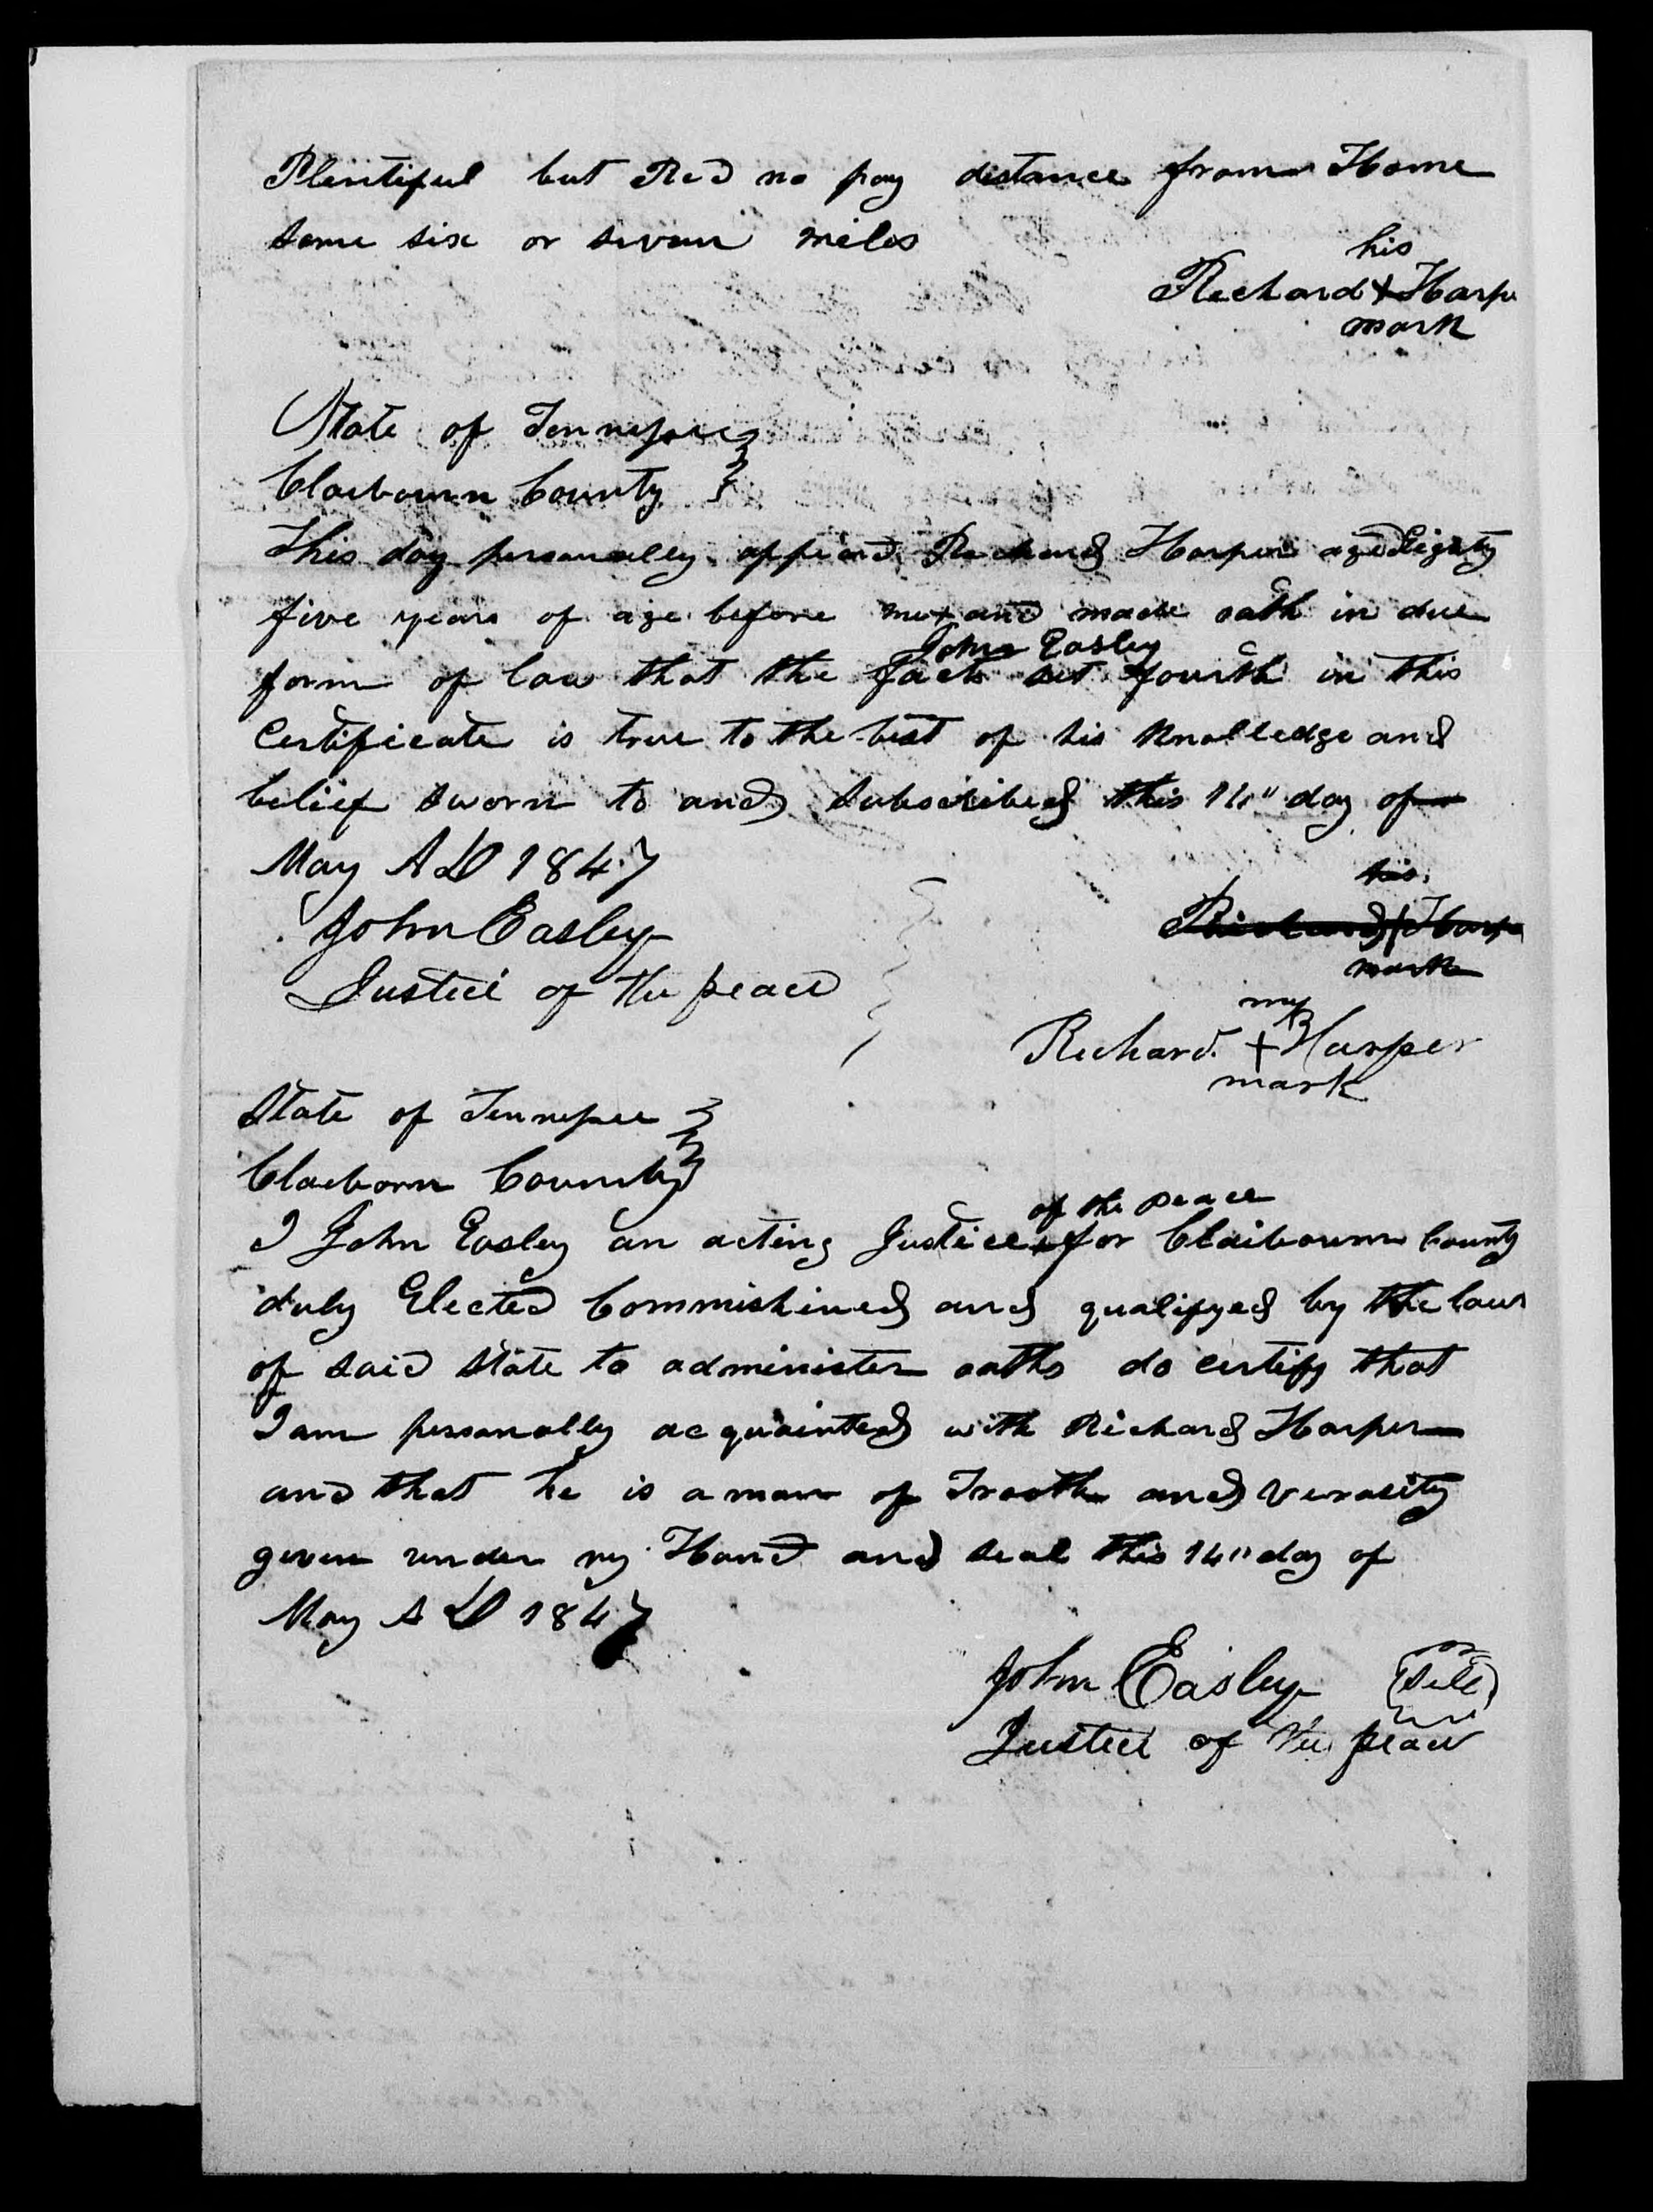Plentiful but Red [received] no pay distance from Home
some six or seven miles
Richard Harper 
x his mark

State of Tennessee
Claiborne County
This day personally appeared Richard Harper age eighty
five years of age before me and made oath in due
form of law that the facts John Easley set forth in this
Certificate is true to the best of his knowledge and
belief sworn to and subscribed this 11th day of
May AD 1847
John Easley
Justice of the peace

Richard Harper
x my mark

State of Tennessee
Claiborn County
I John Easley an acting Justice of the peace for Claiborne County
duly Elected Commissioned and qualifyed by the law
of said State to administer oaths do certify that
I am personally acquainted with Richard Harper
and that he is a man of truth and veracity
given under my Hand and seal this 14th day of
Mary A D 1847

John Easley
Justice of the peace 
seal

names: Richard Harper, Richard Harper, John Easley, John Easley, John Easley, Richard Harper, Richard Harper, John Easley, Richard Harper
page: 58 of 81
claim: survivor's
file: S. 1908, Richard Harper, N.C.